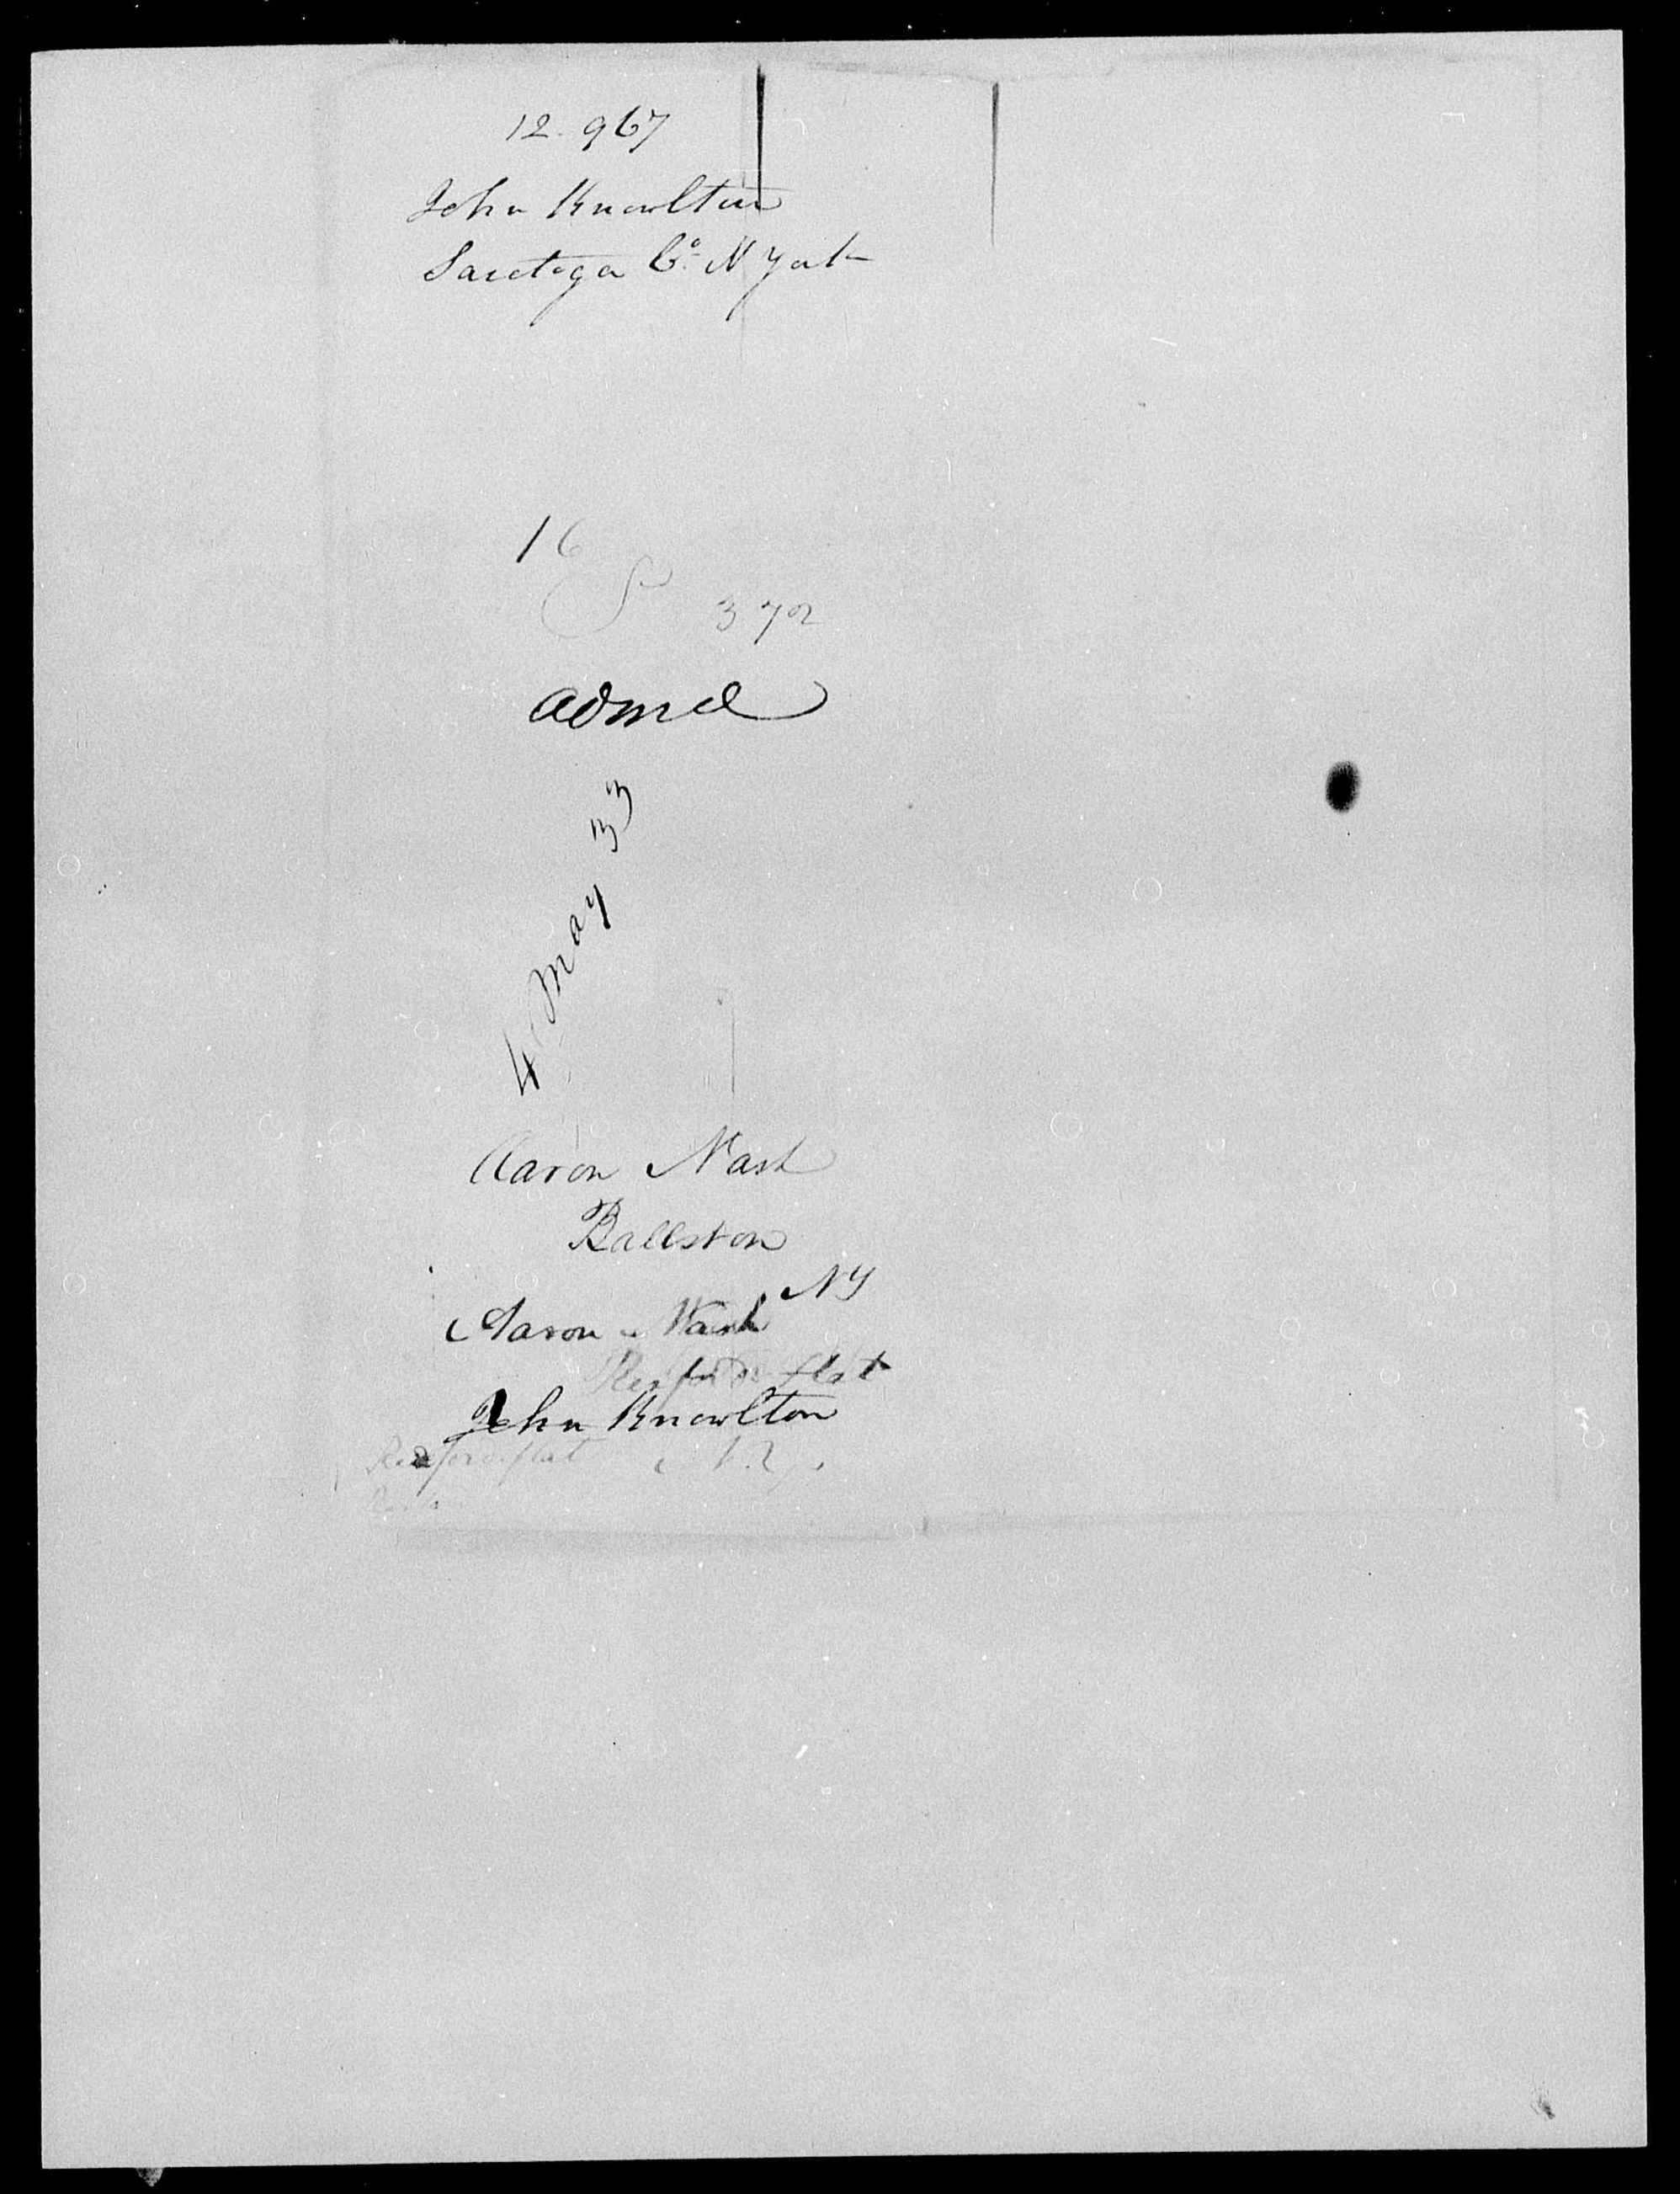12.967
John Knowlton
Saratoga Co N York
16
372
Admd
4 May 33
Aaron Nash
Ballston NY
Aaron Nash
Redford flat
John Knowlton 

.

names: Aaron Nash; John Knowlton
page: 4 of 25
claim: survivor's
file: S. 13668, for John Knowlton, New York